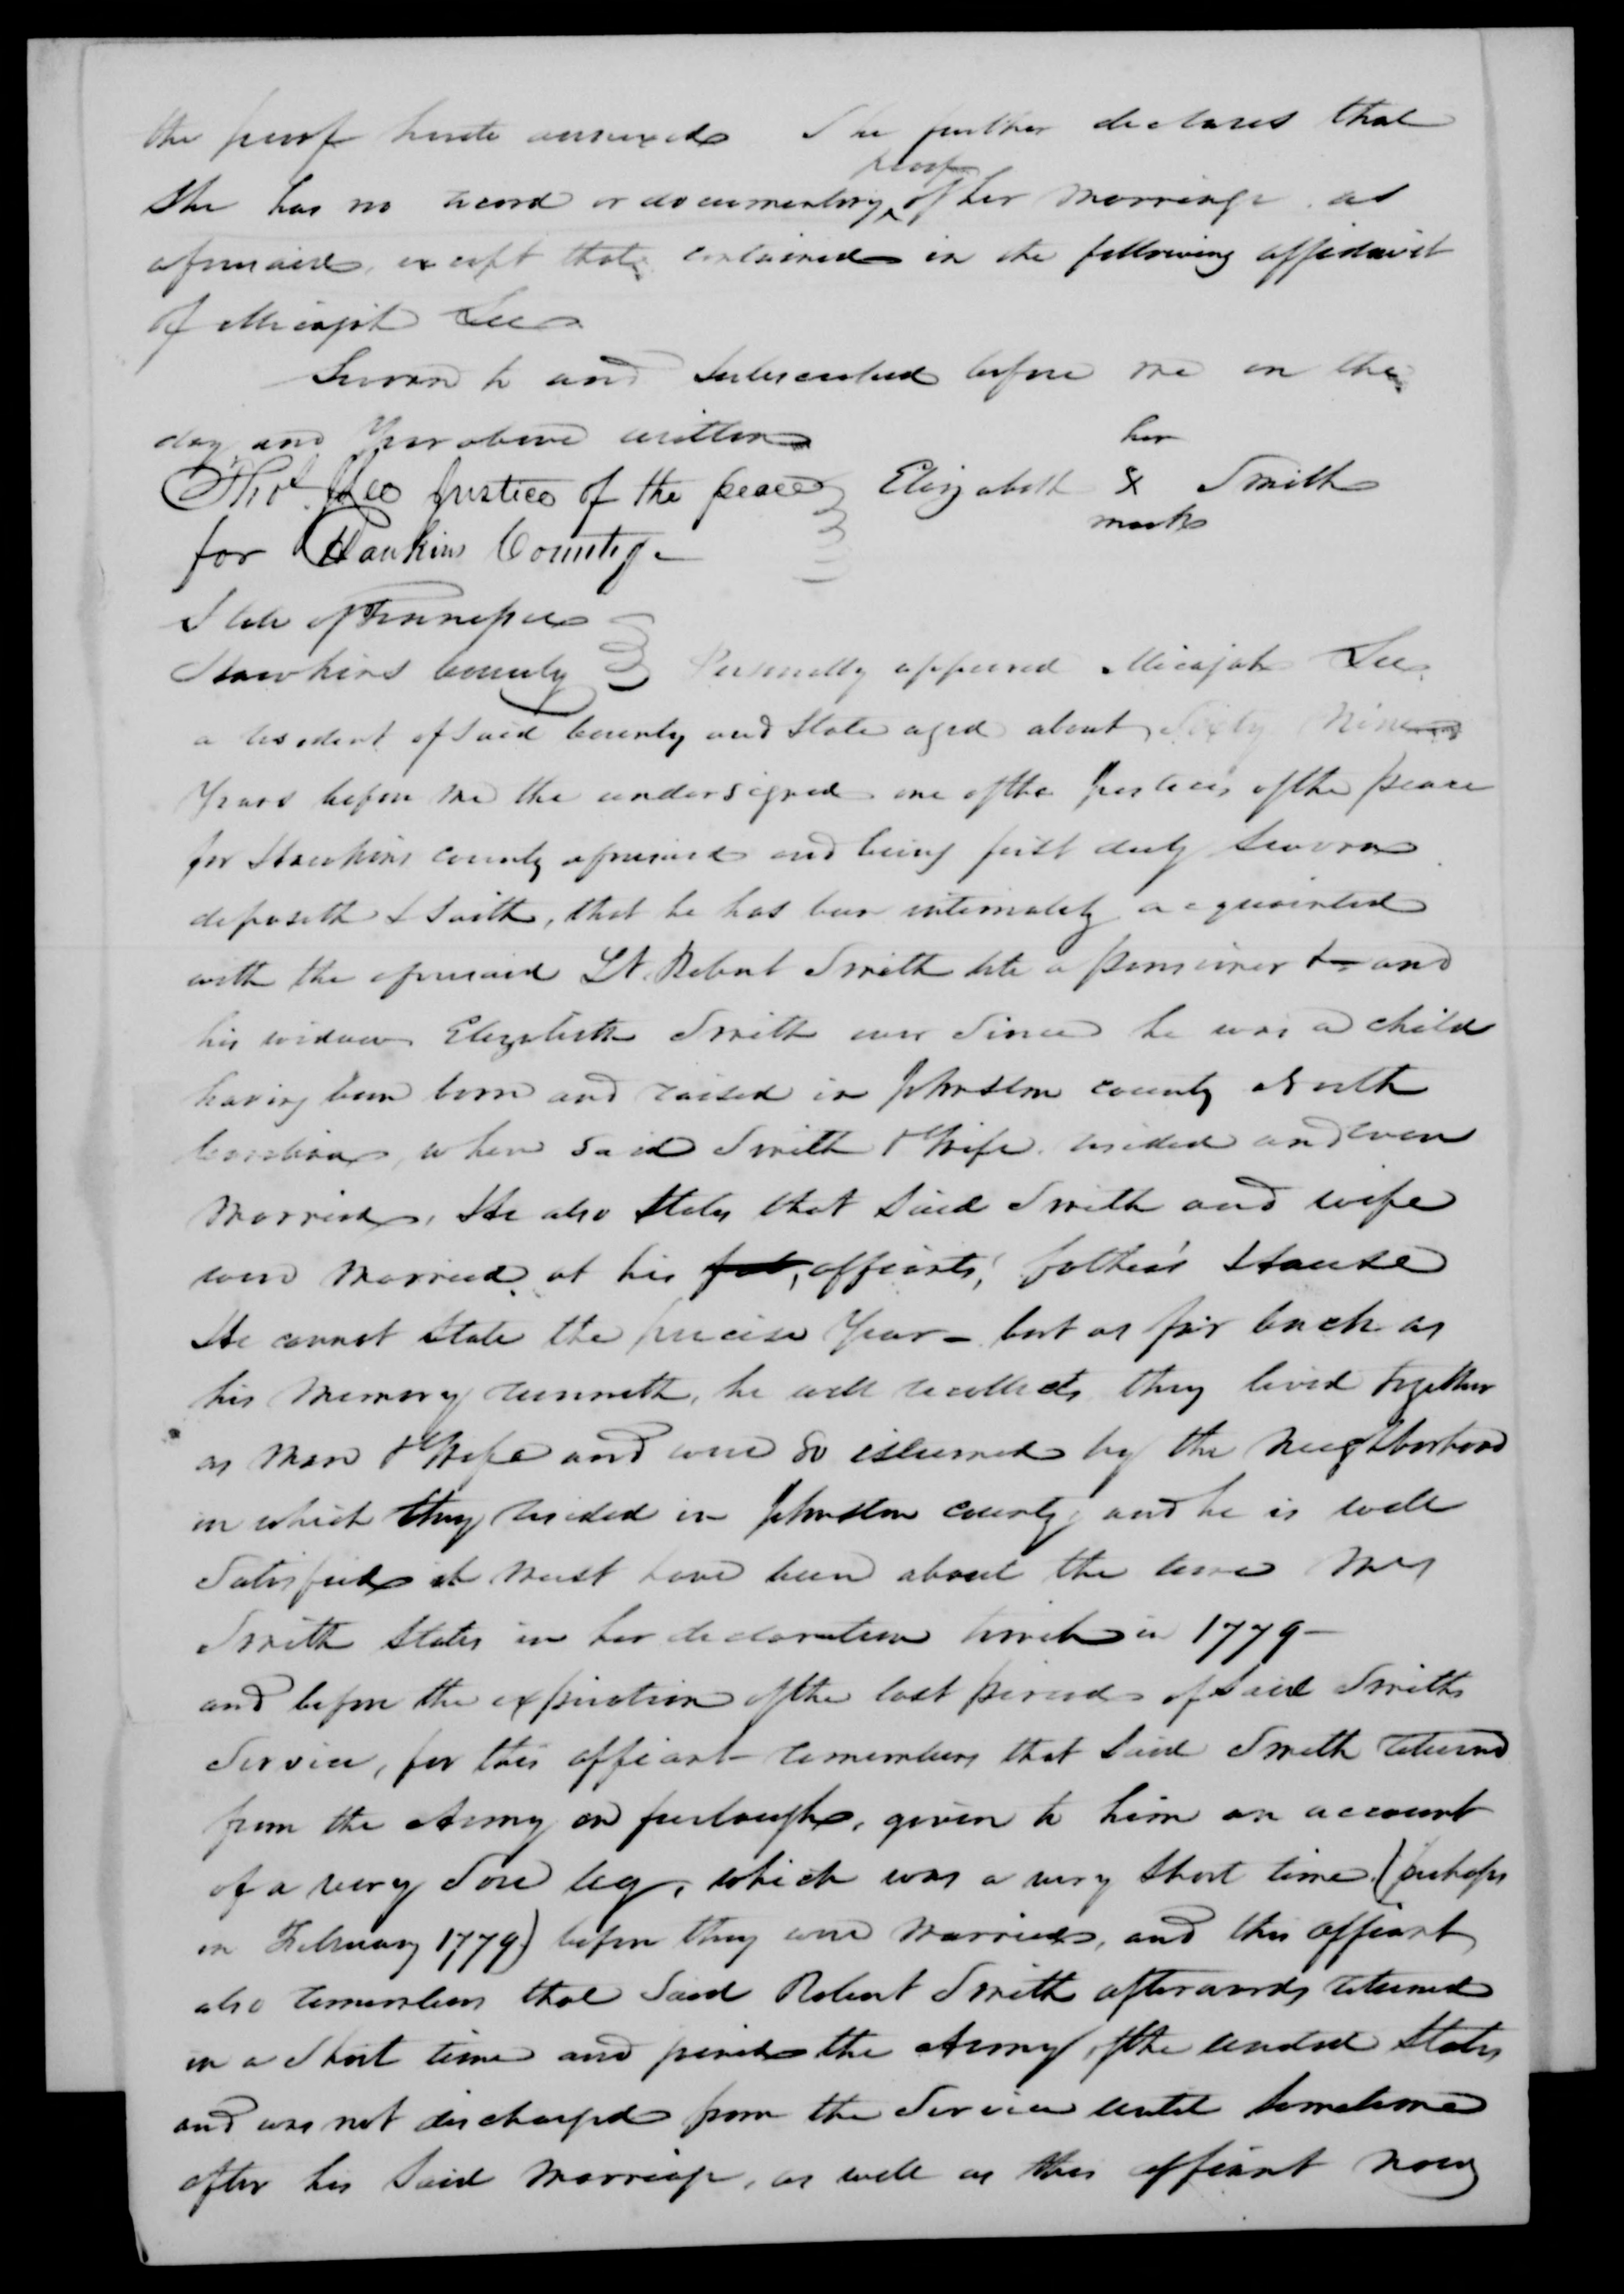the proof hereto annexed she further declares that she has no record or documentary proof of her marriage as aforesaid except that contained in the following affidavit of Micajah Lee
Sworn to and subscribed before me on this day and year above written
Thos J Lee justice of the peace
for Hawkins County } Elizabeth her X mark Smith

State of Tennessee
Hawkins County } Personally appeared Micajah Lee a resident of said county and state aged about sxity nine years before me the undersigned one of the justices of the peace for Hawkins county aforesaid and being first duly sworn deposeth & saith that he has been intimately acquainted with the aforesaid Lt Robert Smith late a pensioner and his widow Elizabeth Smith ever since he was a child having been born and raised in Johnson County North Carolina where said Smith & wife resided and even married He also states that said Smith and wife were married at his affiants father's house He cannot state the precise year but as far back as his memory runneth he well recollects they lived together as man & wife and were so esteemed by the neighborhood in which they resided in Johnson county and he is well satisfied of must have been about the time Mrs Smith states in her declaration Mch in 1779 and before the expiration of the last period of said Smiths Service for this affiant remembers that said Smith returned from the Army on furlough given to him on account of a very sore leg which was a very short time (perhaps in February 1779) before they were married and this affiant also remembers that said Robert Smith afterwards returned in a short time and period the Army of the United States and was not discharged from the service until sometime after his said marriage as well as this affiant now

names: [BLANK] Smith; Thos J Lee; Robert Smith; Robert Smith; [BLANK] Smith; [BLANK] Smith; [BLANK] Smith; [BLANK] Smith; Elizabeth Smith; Micajah Lee; Elizabeth Smith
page: 13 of 79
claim: widow's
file: W. 1504, for Robert Smith, North Carolina